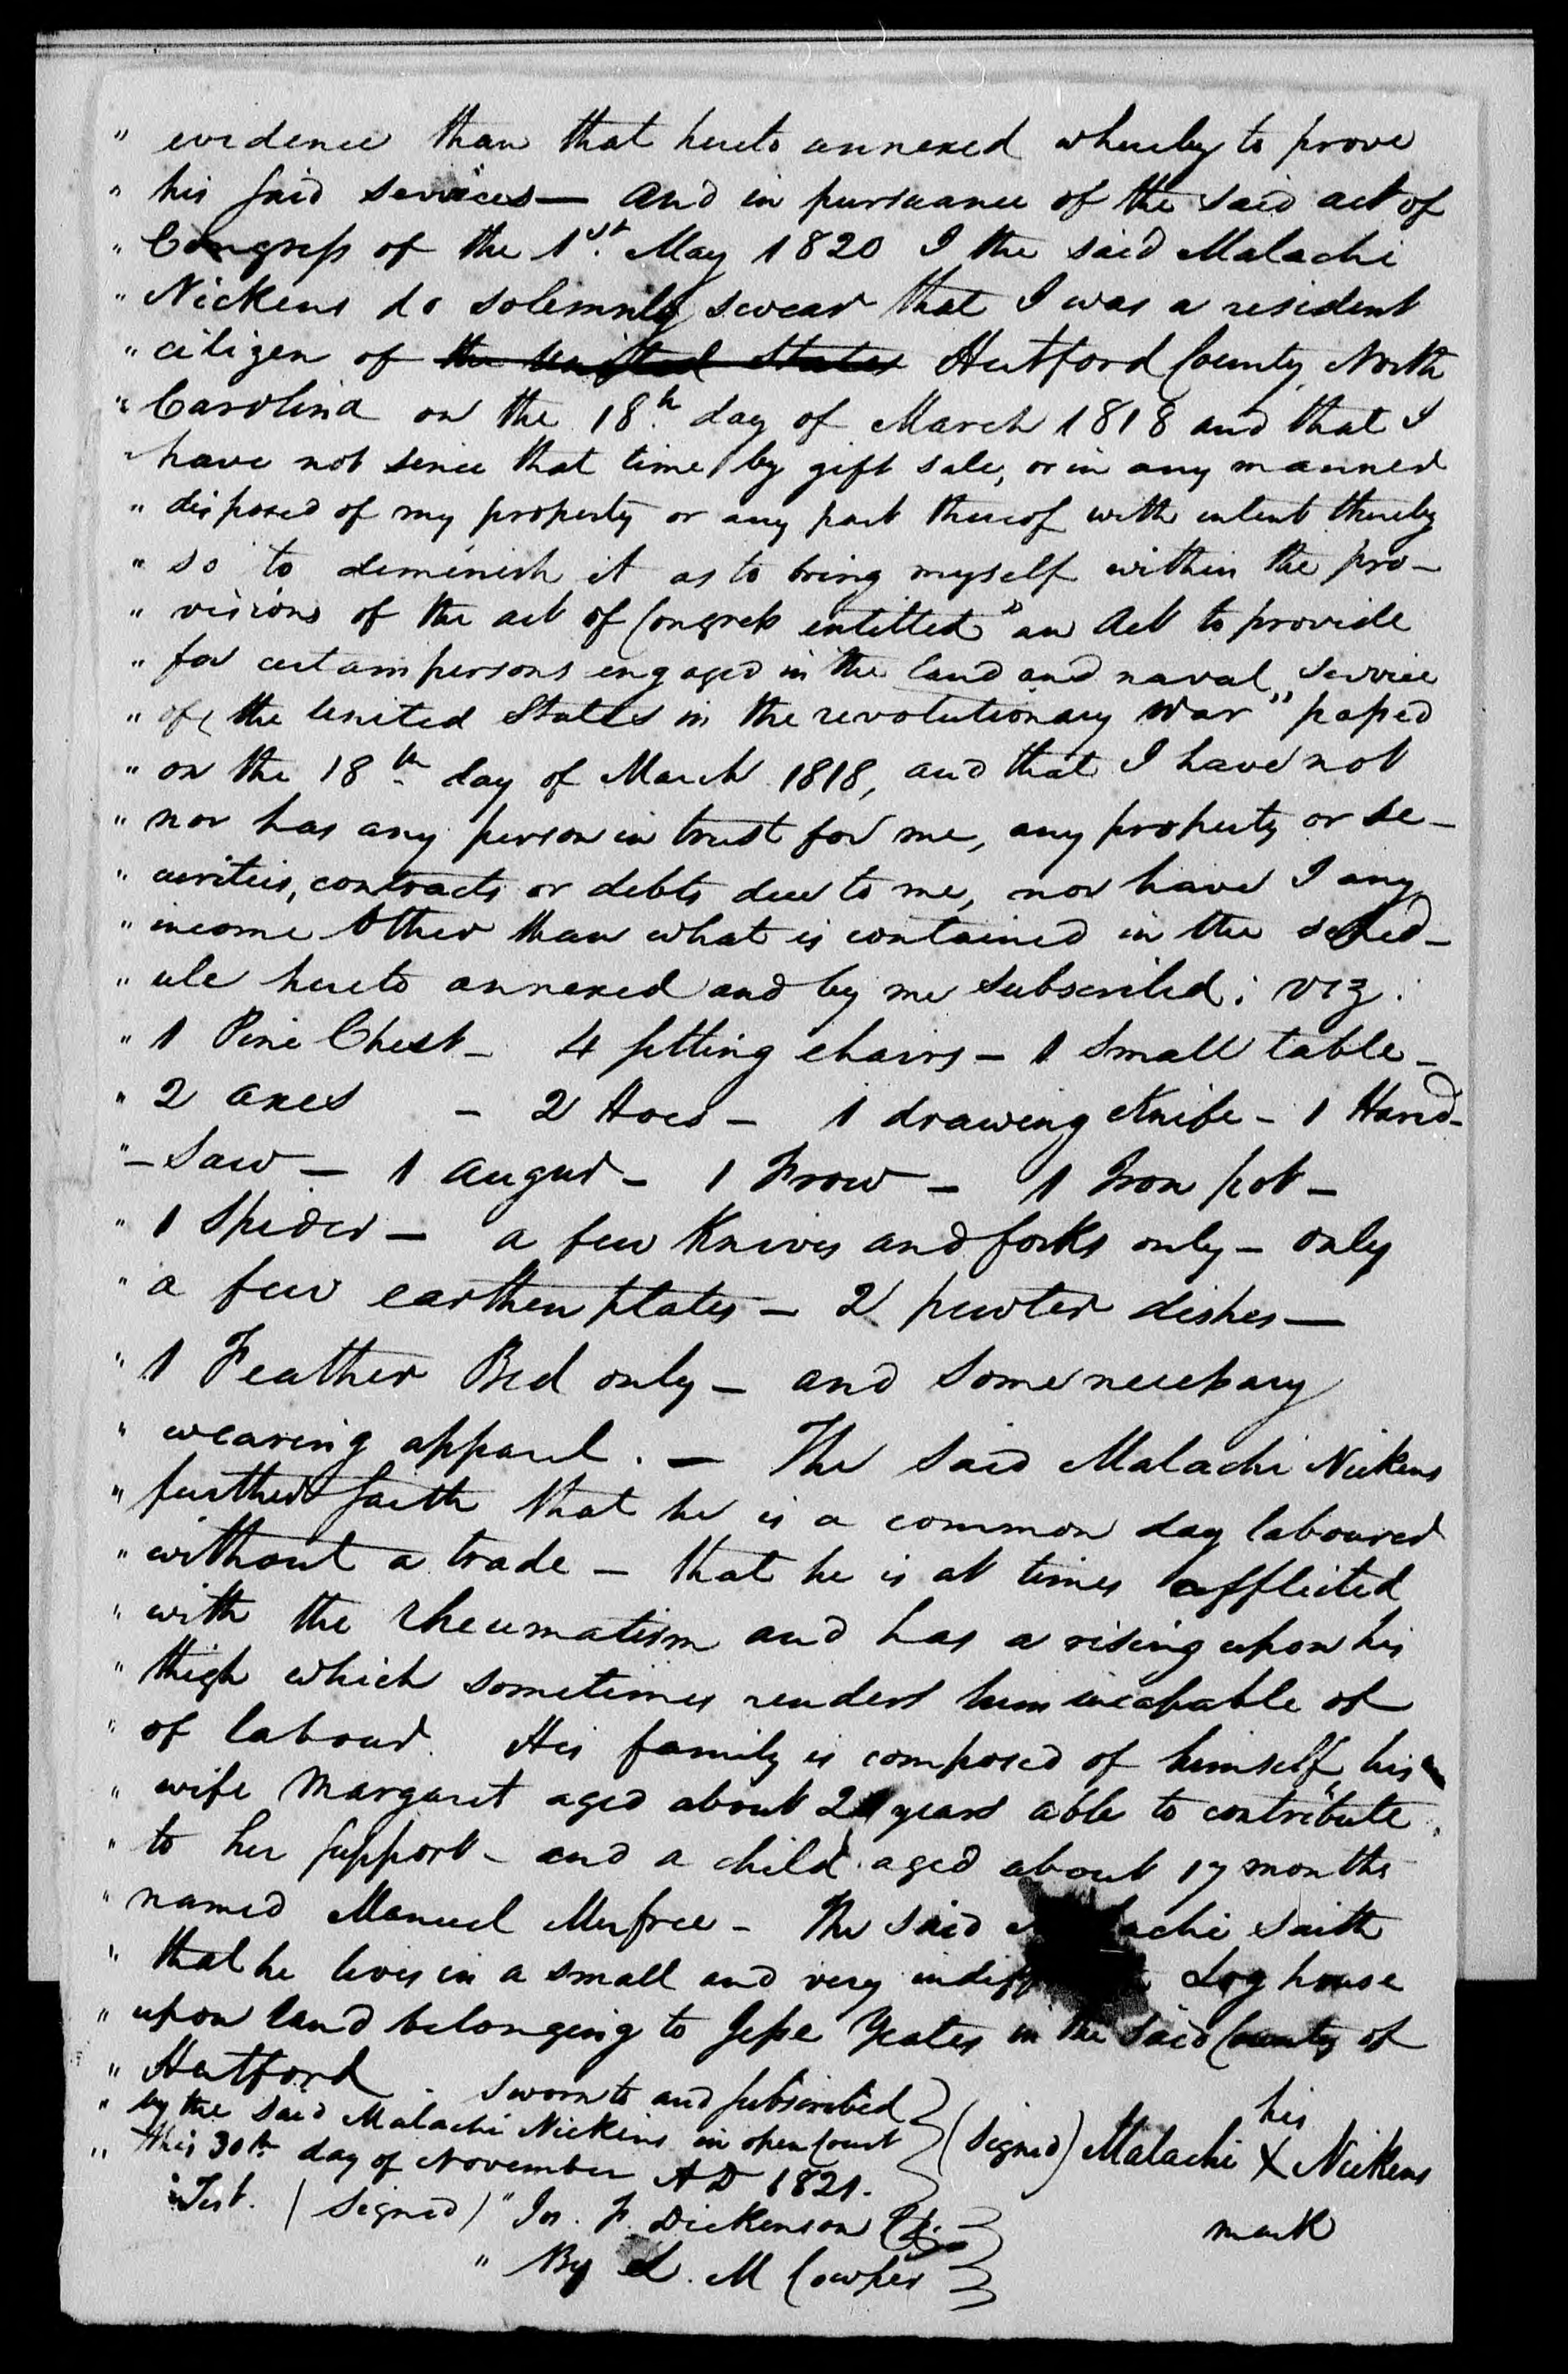evidence than that hereto annexed whereby to prove
his said services - and in pursuance of the said act of
Congress of the 1st May 1820 I the said Malachi
Nickens do solemnly swear that I was a resident
citizen of the Hertford County North Carolina
on the 18th day of March 1818 and that I have not since that time by gift sale, or in any manner
disposed of my property or any part thereof with intent thereby so to diminish it as to bring myself within the provisions of the act of Congress entitled an act to provide for certain persons engaged in the land and naval service " of the United States in the revolutionary War"" passed on the 18th day of March 1818 and that I have not nor has any person in trust for me, any property or securities, contracts or debts due to me, nor have I any income other than what is contained in the schedule hereto annexed and by me subscribed. viz.
1 Pine Chest - 4 sitting chairs - 1 Small table
" 2 axes - 2 Hoes - 1 drawing knife - 1 Hand saw 1 Augur  1 Frow [plow?]1 Iron pot 1 Spidel [spindle?]]-
 a few knives and forks only -  a few earthen plates.
 2 pewter dishes- 1 Feather Bed only  and some necessary wearing apparel. The said Malachi Nickens
further saith that he is a common day laborer
without a trade. - that he is at times afflicted
with the Rheumatism and has a rising upon his
thigh which sometime renders him capable of
of labor - his family is composed of himself his
wife Margaret aged about 21[?] years able to contribute to her support and a child about 17 months named Manuel Merfree - said Malachi saith that he lives in a small and very indifferent log house upon land belonging to Jesse Yates  in the said county of Hertford
Sworn to and subscribed
by the said Malachi Nickens in open Court
" this 30th day of November AD 1821
Malachi Nickens    his mark
Test. (Signed ) Jas. P. Dickinson
By L.M Cowper ⎬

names: Manuel Mufree; L M Cowper; Malachi Nickers; Margaret [BLANK]; Jesse Yeates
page: 8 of 10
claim: survivor's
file: S. 41,925, for Malachi Nickens, North Carolina